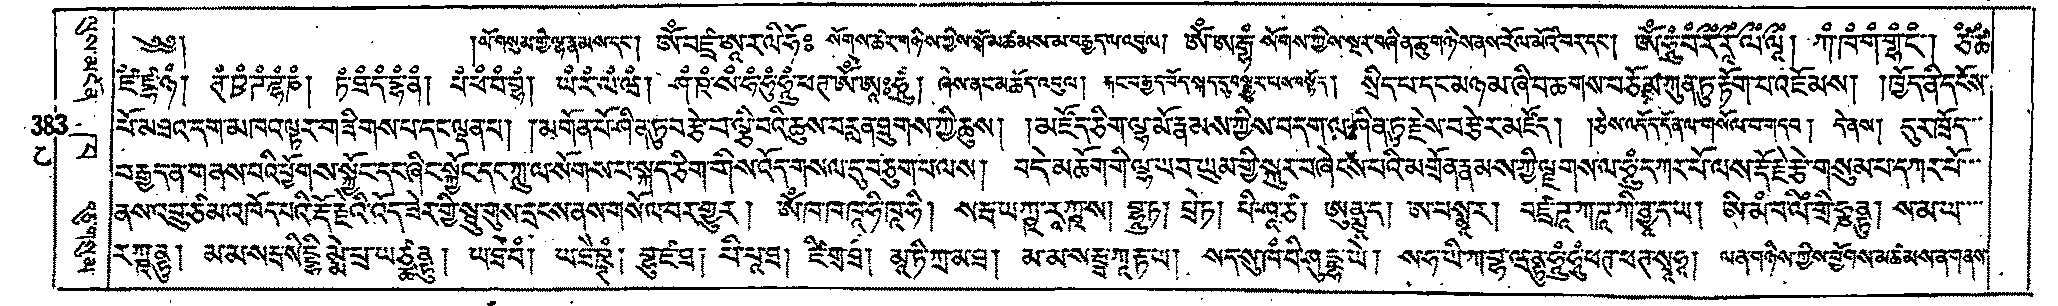༄༅། །ལོ་གསུམ་གྱི་ལྷ་རྣམས་དང་། ཨོཾ་བཛྲ་ཨཱ་ར་ལི་ཧོཿ སོགས་ཚར་གཉིས་ཀྱིས་སྒོ་མཚམས་མ་བརྒྱད་ལ་འབུལ།  ཨོཾ་ཨརྒྷཾ་སོགས་ཀྱིས་སྔར་བཞིན་ཆུ་གཉིས་ནས་རོལ་མོའི་བར་དང་།  ཨོཾ་ཧཱུཾ་བཾ་རྀཾ་རཱྀཾ་ལྀཾ་ལཱྀཾ། ཀཾ་ཁཾ་གཾ་གྷཾ་ངཾ། ཙཾ་ཚཾ་
ཛཾ་ཛྷ་ཉཾ། ཊཾ་ཊཿཨཾ་ཌཾ་ཌྷཾ་ཎཾ། ཏཾ་ཐཾ་དཾ་དྷཾ་ནཾ། པཾ་ཕཾ་བཾ་བྷཾ། ཡཾ་རཾ་ལཾ་ཝཾ། ཤཾ་ཥཾ་སཾ་ཧཾ་ཧུཾ་ཧཱུཾ་ཕཊ་ཨོཾ་ཨཱཿཧཱུཾ། ཞེས་ནང་མཆོད་འབུལ། རྐང་བརྒྱད་བོད་སྐད་དུ་བསྒྱུར་པས་བསྟོད།  སྲིད་པ་དང་མཉམ་ཞི་བ་ཆགས་བཅོམ་ཀུན་ཏུ་རྟོག་པ་འཇོམས། །ཁྱོད་ནི་དངོས་
པོ་མཐའ་དག་མཁའ་ལྟར་གཟིགས་པ་དང་ལྡན་པ། །མགོན་པོ་ཤིན་ཏུ་བརྩེ་བ་ལྕི་བའི་ཆུས་བརླན་ཐུགས་ཀྱི་ཆུས། །མཛོད་ཅིག་ལྷ་མོ་རྣམས་ཀྱིས་བདག་ལ་ཤིན་ཏུ་རྗེས་བརྩེར་མཛོད། །ཅེས་འདོད་དོན་ལ་གསོལ་བ་གདབ། དེ་ནས།  དུར་ཁྲོད་་་
བརྒྱད་ན་གནས་པའི་ཕྱོགས་སྐྱོང་དང་ཞིང་སྐྱོང་དང་ཀླུ་ལ་སོགས་པ་སྐད་ཅིག་གིས་འོད་གསལ་དུ་བཅུག་པ་ལས། བདེ་མཆོག་གི་ལྷ་ཡབ་ཡུམ་གྱི་སྐུར་པ་བཞེངས་པའི་མགྲོན་རྣམས་ཀྱི་ལྗགས་ལ་ཧཱུཾ་དཀར་པོ་ལས་རྡོ་རྗེ་རྩེ་གསུམ་པ་དཀར་པོ་་་
ནས་འབྲུ་ཙམ་འཁོད་པའི་རྡོ་རྗེའི་འོད་ཟེར་གྱི་སྦུ་གུས་དྲངས་ནས་གསོལ་བར་གྱུར། ཨོཾ་ཁ་ཁ་ཁཱ་ཧི་ཁཱ་ཧི། སརྦ་ཡ་ཀྵ་རཱ་ཀྵ་ས། བྷཱུ་ཏ། པྲེ་ཏ། པི་ཤཱ་ཙ། ཨུནྨཱ་ད། ཨ་པསྨཱ་ར། བཛྲ་ཌཱ་ཀ་ཌཱ་ཀི་ནྱཱ་ད་ཡ། ཨི་མཾ་བ་ལིཾ་གྲི་ཧྞནྟུ། ས་མ་ཡ་་་
རཀྵནྟུ། མ་མ་སརྦ་སི་དྡྷིམྨེ་པྲ་ཡཙྪནྟུ། ཡ་ཐེ་བཾ། ཡ་ཐཻཥྚཾ། བྷུ་ཛ་ཐ། པི་པཱ་ཐ། ཛི་གྲ་ཐ། མཱ་ཏི་ཀྲ་མ་ཐ། མ་མ་སརྦྦ་ཀཱརྟ་ཡ། སད་སུ་ཁཾ་བི་ཤུདྡྷ་ཡེ། ས་ཧ་ཡི་ཀ་བྷ་ཝནྟུ་ཧཱུཾ་ཧཱུཾ་ཕཊ་ཕཊ་སྭཱཧཱ། ལན་གཉིས་ཀྱིས་ཕྱོགས་མཚམས་ན་གནས་